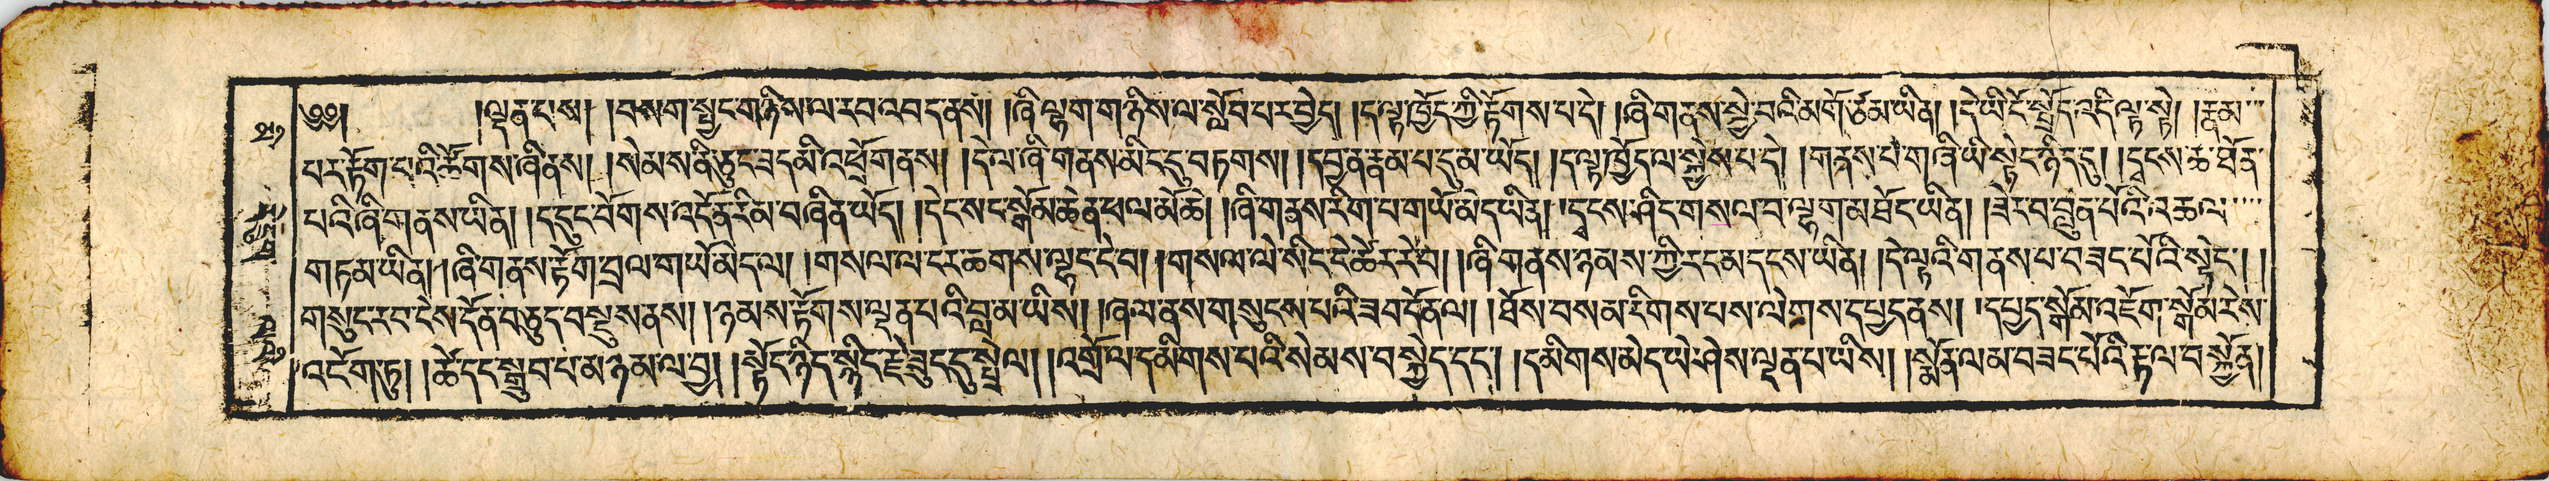ལྡན་པས། །བསག་སྦྱང་གཉིས་ལ་རབ་འབད་ནས། །ཞི་ལྷག་གཉིས་ལ་སླེབ་པར་བྱེད། །ད་ལྟ་ཁྱོད་ཀྱི་རྟོགས་པ་དེ། །ཞི་གནས་སྐྱེ་བའི་མགོ་ཙམ་ཡིན། །དེ་ཡི་ངོ་སྤྲོད་འདི་ལྟ་སྟེ། །རྣམ་
པར་རྟོག་པའི་ཚོགས་ཞི་ནས། །སེམས་ནི་ཅུང་ཟད་མི་འཕྲོ་གནས། །དེ་ལ་ཞི་གནས་མིང་དུ་བཏགས། །དབྱེ་ན་རྣམ་པ་དུ་མ་ཡོད། །ད་ལྟ་ཁྱོད་ལ་སྐྱེས་པ་དེ། །གནས་པ་གཞི་ཡི་སྟེང་ཉིད་དུ། །དྭངས་ཆ་ཐོན་
པའི་ཞི་གནས་ཡིན། །ད་དུང་བོགས་འདོན་རིམ་བཞིན་ཡོད། །དེང་སང་སྒོམ་ཆེན་ཕལ་མོ་ཆེ། །ཞི་གནས་རིག་པ་གཡོ་མེད་ཡིན། དྭངས་ཤིང་གསལ་བ་ལྷག་མཐོང་ཡིན། །ཟེར་བ་བླུན་པོའི་འཆལ་་་་
གཏམ་ཡིན། །ཞི་གནས་རྟོག་བྲལ་གཡོ་མེད་ལ། །གསལ་ལ་ངར་ཆགས་ལྷང་ངེ་བ། །གསལ་ལེ་སིང་ངེ་ཚེ་རེ་བ། །ཞི་གནས་ཉམས་ཀྱི་རང་མདངས་ཡིན། །དེ་ལྟའི་གནས་པ་བཟང་པོའི་སྟེང་། །
གསུང་རབ་ངེས་དོན་བཅུད་བསྡུས་ནས། །ཉམས་རྟོགས་ལྡན་པའི་བླ་མ་ཡིས། །ཞལ་ནས་གསུངས་པའི་ཟབ་དོན་ལ། །ཐོས་བསམ་རིགས་པས་ལེགས་དཔྱད་ནས། དཔྱད་སྒོམ་འཇོག་སྒོམ་རེས་
འཇོག་ཏུ། །ཚེ་དང་སྒྲུབ་པ་མཉམ་ལ་བྱ། །སྟོང་ཉིད་སྙིང་རྗེ་ཟུང་དུ་སྦྲེལ། །འགྲོ་ལ་དམིགས་པའི་སེམས་བསྐྱེད་དང། །དམིགས་མེད་ཡེ་ཤེས་ལྡན་པ་ཡིས། །སྨོན་ལམ་བཟང་པོའི་རྟ་ལ་བསྐྱོན། །